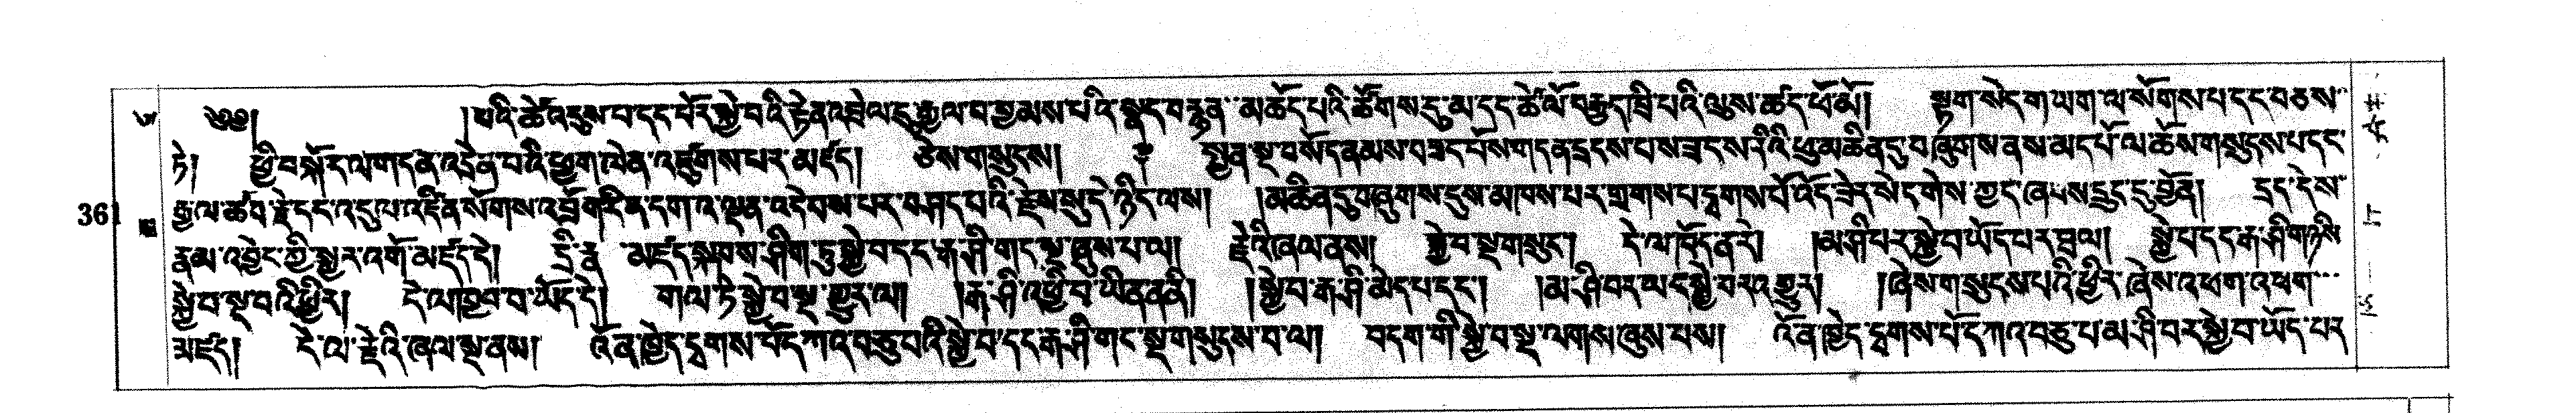༄༅། །པའི་ཚེ་འདུས་པ་དང་པོར་སྐྱེ་བའི་རྟེན་འབྲེལ་དུ་རྒྱལ་བ་བྱམས་པའི་སྣང་བརྙན་མཆོད་པའི་ཚོགས་དུ་མ་དད་ཚེ་ལོ་བརྒྱད་ཁྲི་པའི་ལུས་ཚད་ཕོ་མོ། སྟག་སེང་གཡག་ལ་སོགས་པ་དད་བཅས་
ཏེ། ཕྱི་བསྐོར་ལ་གདན་འདྲེན་པའི་ཕྱག་ལེན་འཛུགས་པར་མཛད། ཅེས་གསུངས། ༈ སྤྱན་སྔ་བསོད་ནམས་བཟང་པོས་གདན་དྲངས་པས་ཟངས་རིའི་ཕུ་མཆིན་དུ་བཞུགས་ནས་མང་པོ་ལ་ཆོས་གསུངས་པ་དང་
རྒྱལ་ཚབ་རྗེ་དང་འདུལ་འཛིན་སོགས་འབྲོག་རིན་དགའ་ལྡན་འདེབས་པར་བཤད་པའི་རྗེས་སུ་དེ་ཉིད་ལས། །མཆིན་དུ་བཞུགས་དུས་མཁས་པར་གྲགས་པ་དྭགས་པོ་འོད་ཟེར་སེང་གེས་ཀྱད་ཞབས་དྲུང་དུ་བྱོན། དྲང་དེས་
རྣམ་འབྱེད་ཀྱི་སྐྱར་འགོ་མཛད་དེ། དྲི་རྣ་མཛད་སྐབས་ཤིག་ཏུ་སྐྱེ་བ་དང་རྒ་ཤི་གང་སྔ་ཞུས་པ་ལ། རྗེའི་ཞལ་ནས། སྐྱེ་བ་སྔ་གསུང་། དེ་ལ་ཁོད་ན་རེ། །མ་ཤི་པར་སྐྱེ་བ་ཡོད་པར་ཐལ། སྐྱེ་པ་དང་རྒ་ཤི་གཉིས་
སྐྱེ་བ་སྔ་བའི་ཕྱིར། དེ་ལ་ཁྱབ་བ་ཡོད་དེ། གལ་ཏེ་སྐྱེ་བ་སྔ་གྱུར་ལ། །རྒ་ཤི་འཕྱི་བ་ཡིན་ན་ནི། །སྐྱེ་བ་རྒ་ཤི་མེད་པ་དང་། །མ་ཤི་བར་ཡང་སྐྱེ་བར་འགྱུར། །ཞེས་གསུངས་པའི་ཕྱིར་ཞེས་འཕག་འཕག་
མཛད། དེ་ལ་རྗེའི་ཞལ་སྔ་ནས། འོན་ཁྱེད་དྭགས་བོ་དཀའ་བཅུ་པའི་སྐྱེ་བ་དང་རྒ་ཤི་གང་སྔ་གསུངས་བ་ལ། བདག་གི་སྐྱེ་བ་སྔ་ལགས་ཞུས་པས། འོ་ན་ཁྱེད་དྭགས་པོ་དཀའ་བཅུ་པ་མ་ཤི་བར་སྐྱེ་བ་ཡོད་པར་